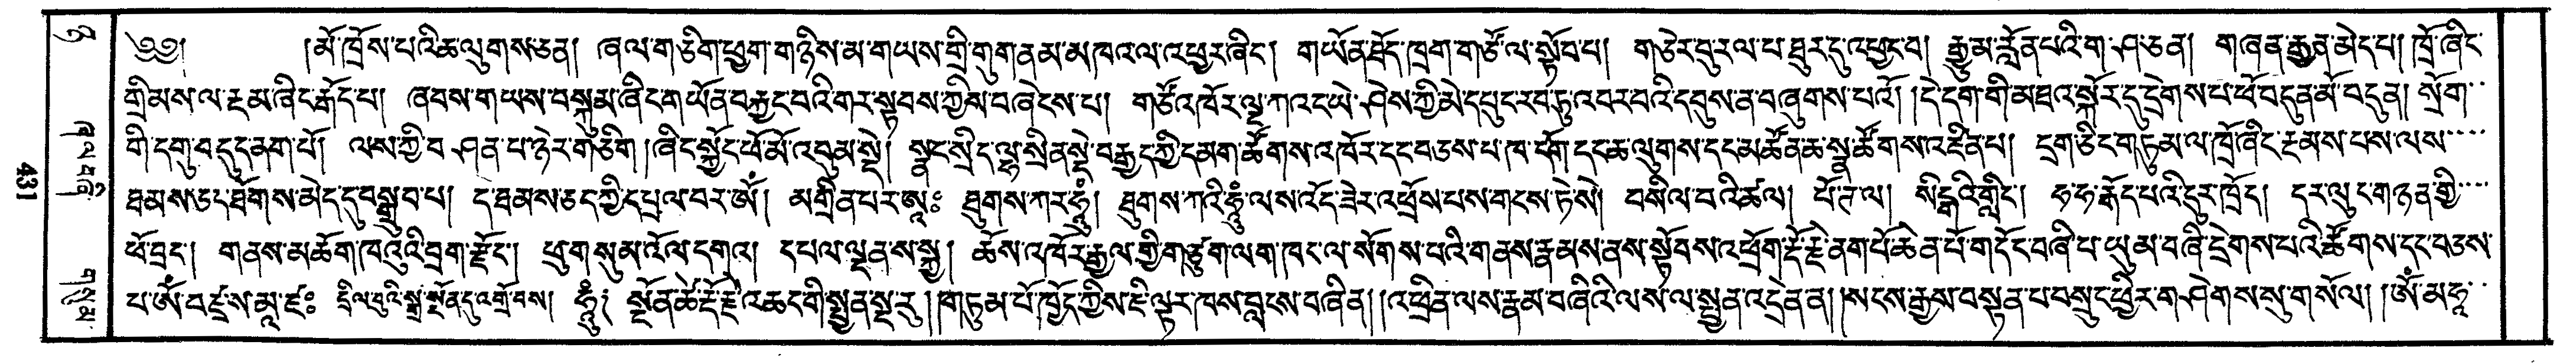༄༅། །མོ་ཁྲོས་བའི་ཆ་ལུགས་ཅན། ཞལ་གཅིག་ཕྱག་གཉིས་མ་གཡས་གྲི་གུག་ནམ་མཁའ་ལ་འཕྱར་ཞིང་། གཡོན་ཐོད་ཁྲག་གཙོ་ལ་སྟོབ་པ། གཅེར་བུ་རལ་པ་ཐུར་དུ་འཕྱང་བ། རྒྱུ་མ་རློན་པའི་ག་ཤ་ཅན། གཞན་རྒྱན་མེད་པ། ཁྲོ་ཞིང་
གྲིམས་ལ་རྔམ་ཞིང་རྒོད་པ། ཞབས་གཡས་བསྐུམ་ཞིང་གཡོན་བརྐྱང་བའི་གར་སྟབས་ཀྱིས་བཞེངས་པ། གཙོ་འཁོར་ལྔ་ཀའང་ཡེ་ཤེས་ཀྱི་མ་དཔུང་རབ་ཏུ་འབར་བའི་དབུས་ན་བཞུགས་བའོ། །དེ་དག་གི་མཐའ་སྐོར་དུ་དྲེགས་པ་ཕོ་བདུན་མོ་བདུན། སྲོག་
གི་དགུ་བདུད་ནག་པོ། ལས་ཀྱི་བཤན་པ་ཉེར་གཅིག །ཞིང་སྐྱོང་ཕོ་མོ་འབུམ་སྡེ། སྣང་སྲིད་ལྷ་སྲིན་སྡེ་བརྒྱད་ཀྱི་དམག་ཚོགས་འཁོར་དང་བཅས་པ་ཁ་དོག་དང་ཆ་ལུ་ཤས་ངང་མཚོན་ཆ་སྣ་ཚོགས་འཛིན་པ། དྲག་ཅིང་གཏུམ་ལ་ཁྲོ་ཞིང་རྔམས་པས་ལས་
ཐམས་ཅད་ཐོགས་མེད་དུ་བསྒྲུབ་པ། དེ་ཐམས་ཅད་ཀྱི་དཔྲལ་བར་ཨོཾ། མགྲིན་པར་ཨཱཿ ཐུགས་ཀར་ཧཱུཾ། ཐུགས་ཀའི་ཧཱུཾ་ལས་འོད་ཟེར་འཕྲོས་པས་གངས་ཏེ་སེ། བསིལ་བའི་ཚལ། པོ་ཊ་ལ། སིངྒའི་གླིང་། ཧ་ཧ་རྒོད་པའི་དུར་ཁྲོད། དར་ལུང་གཉན་གྱི་
ཕོ་བྲང་། གནས་མཆོག་ཁའུའི་བྲག་རྫོང་། ཕུག་སུམ་འོལ་དགའ། དཔལ་ལྡན་ས་སྐྱ། ཆོས་འཁོར་རྒྱལ་གྱི་གཙུག་ལག་ཁང་ལ་སོགས་པའི་གནས་རྣམས་ནས་སྟོབས་འཕྲོག་རྡོ་རྗེ་ནག་པོ་ཆེན་པོ་གདོང་བཞི་པ་ཡུམ་བཞི་དྲེགས་པའི་ཚོགས་དང་བཅས་
པ་ཨོཾ་བཛྲ་ས་མཱ་ཛཿདྲིལ་བུའི་སྒྲ་སྔོན་དུ་འགྲོ་བས། ཧཱུཾ༑ སྔོན་ཚེ་རྡོ་རྗེ་འཆང་གི་སྤྱན་སྔ་རུ། །གཏུམ་པོ་ཁྱོད་ཀྱིས་ཇི་ལྟར་ཁས་བླངས་བཞིན། །འཕྲིན་ལས་རྣམ་བཞིའི་ལས་ལ་སྤྱན་འདྲེན་ན། །སངས་རྒྱས་བསྟན་པ་བསྲུང་ཕྱིར་གཤེགས་སུ་གསོལ། །ཨོཾ་མཧཱ་